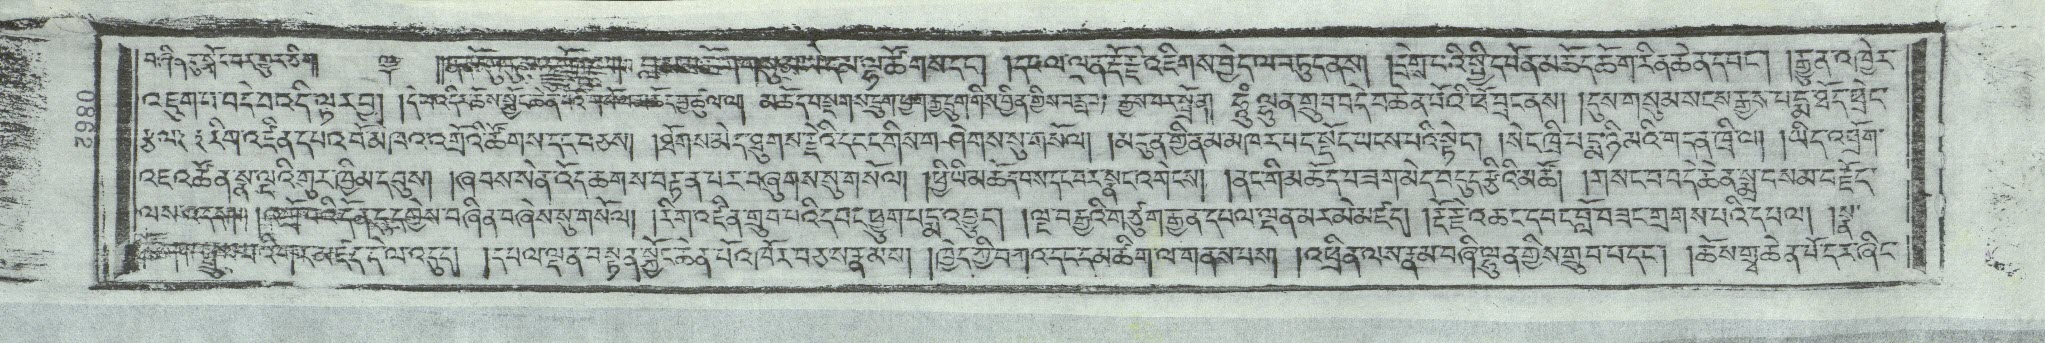བཞིན་དུ་སྐོང་བར་གྱུར་ཅིག། ༈ །།ན་མོ་གུ་རུ་མཉྫུ་གྷོ་ཥཱ་ཡ། བླ་མཆོག་གསུམ་ཡེ་དམ་ལྷ་ཚོགས་དང་། །དཔལ་ལྡན་རྡོ་རྗེ་འཇིགས་བྱེད་ལ་བཏུད་ནས། །དྲེགས་པའི་སྤྱི་དཔོན་མཆོད་ཆོག་རིན་ཆེན་དབང་། །རྒྱུན་འཁྱེར་
འཇུག་པ་བདེ་བ་འདི་ལྟར་བྱ། །དེ་ལ་འདིར་ཆོས་སྐྱོང་ཆེན་པོའི་གསོལ་མཆོང་བྱ་ཚུལ་ལ། མཆོད་པ་སྔགས་དྲུག་ཕྱག་རྒྱ་དྲུག་གྱིས་བྱིན་གྱིས་བརླབ། རྒྱས་པར་སྤྲོ་ན། ཧཱུཾ་ལྷུན་གྲུབ་བདེ་བ་ཆེན་པོའི་ཕོ་བྲང་ནས། །དུས་གསུམ་སངས་རྒྱས་པདམ་ཐོད་ཕྲེང་
རྩལ༑ ༑རིག་འཛིན་དཔའ་བོ་མཁའ་འགྲོའི་ཚོགས་དང་བཅས། །ཐོགས་མེད་ཐུགས་རྗེའི་དང་ང་གིས་གཤེགས་སུ་གསོལ། །མདུན་གྱི་ནམ་མཁར་པད་སྡོང་ཡངས་པའི་སྟེང་། །སེང་ཁྲི་པདམ་ཉི་མའི་གདན་ཁྲི་ལ། །ཡིད་འཕྲོག་
འཇའ་ཚོན་སྣ་ལྔའི་གུར་ཁྱིམ་དབུས། །ཞབས་སེན་འོད་ཆགས་བརྟན་པར་བཞུགས་སུ་གསོལ། །ཕྱི་ཡི་མཆོད་པས་དང་བར་སྣང་འགེངས། །ནང་གི་མཆོད་པ་ཟག་མེད་བདུད་རྩིའི་མཚོ། །གསང་བ་བདེ་ཆེན་སྨྲ་བསམ་བརྗོད་
ལས་འདས། །འགྲོ་བའི་དོན་དུ་དགྱེས་བཞིན་བཞེས་སུ་གསོལ། །རིག་འཛིན་གྲུབ་པའི་དབང་ཕྱུག་པདམ་འབྱུང་། །ལྔ་བརྒྱའི་གཙུག་རྒྱན་དཔལ་ལྡན་མར་མེ་མཛད། །རྡོ་རྗེ་འཆང་དབང་བློ་བཟང་གྲགས་པའི་དཔལ། །སྣ་
ཚོགས་སྤྲུལ་པའི་གར་མཛད་དེ་ལ་འདུད། །དཔལ་ལྡན་བསྟན་སྐྱོང་ཆེན་པོ་འཁོར་བཅས་རྣམས། །ཁྱེད་ཀྱི་བཀའ་དང་དམ་ཚིག་ལ་གནས་པས། །འཕྲིན་ལས་རྣམ་བཞི་ལྷུན་གྱིས་གྲུབ་པ་དང་། །ཆོས་གྲྭ་ཆེན་པོ་དར་ཞིང་